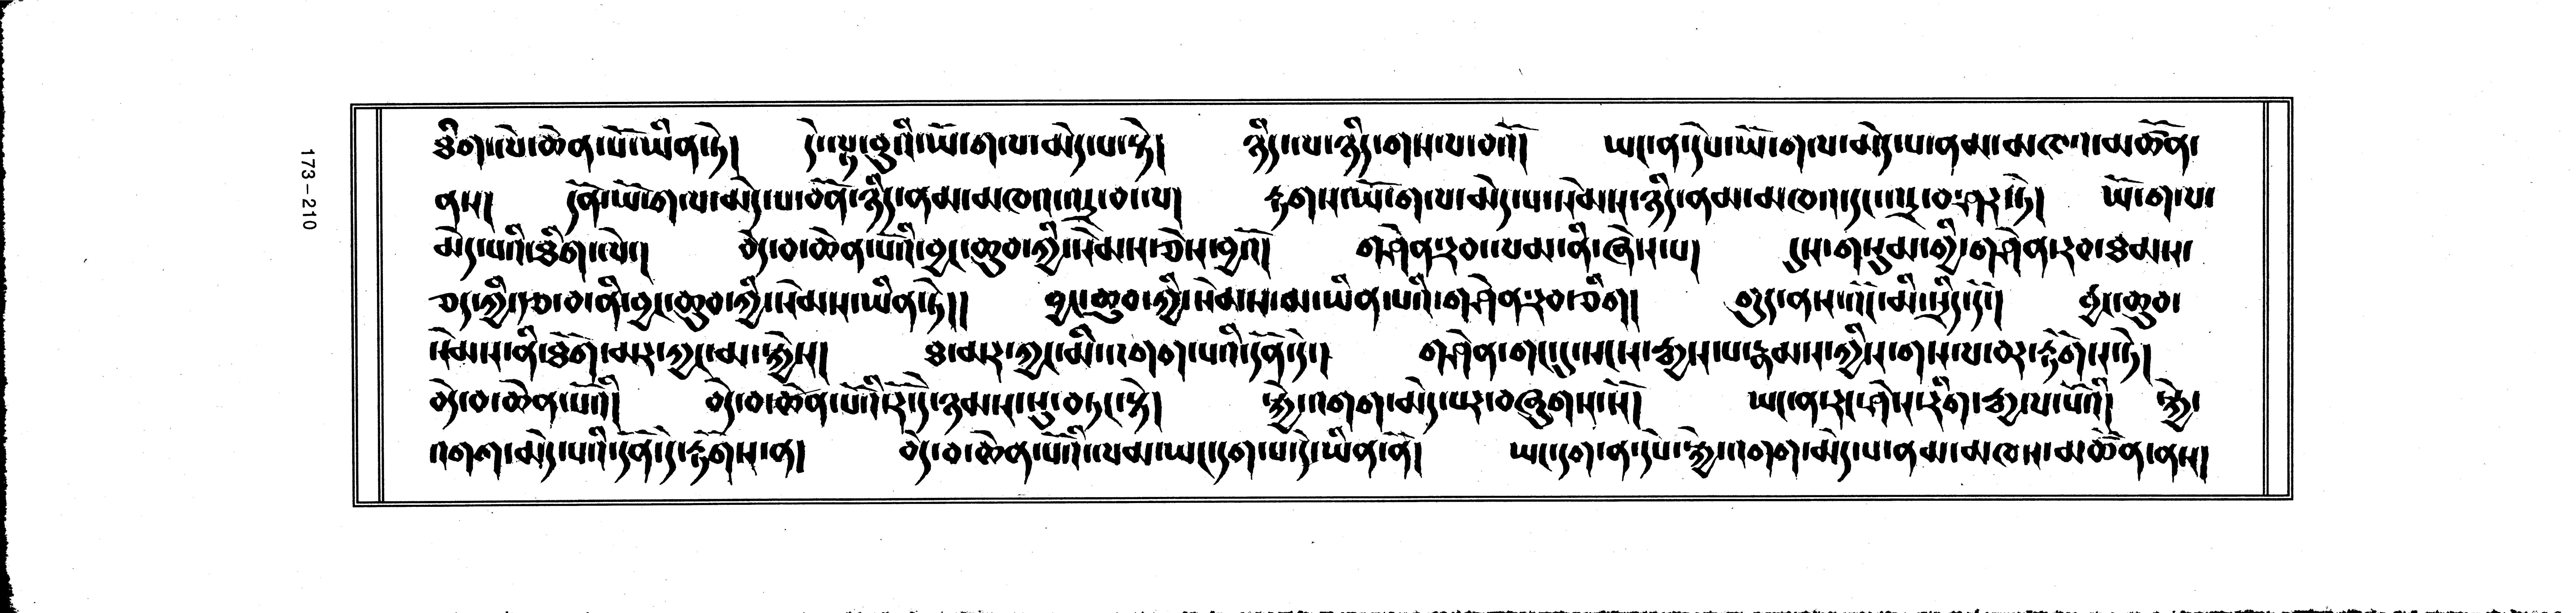ཐིག་ལེ་ཆེན་པོ་ཡིན་ཏེ། དེ་ལྟ་བུའི་ཡོི་གལ་མེད་པ་སྟེ། ཉིད་ལ་ཉིད་གསལ་བའོ། །ཡང་ན་དཔེ་ཡོ་གལ་མེད་པ་ནམ་མཁའ་མཚོན་
ནས། དོན་ཡོ་གལ་མེད་པ་བོན་ཉིད་ནམ་མཁའ་འདྲ་བ་ལ། རྟགས་ཡོ་གལ་མེད་པ་སེམས་ཉིད་ནམ་མཁའ་དང་འདྲ་བ་ཤར་ཏེ། ཡོ་གལ་
མེད་པའི་ཐིག་ལེ། བདེ་བ་ཆེན་པོའི་བྱང་ཆུབ་ཀྱི་སེམས་ཅེས་བྱའོ། །གཤེན་རབ་ལམ་ནི་ཞེས་པ། དུས་གསུམ་གཤེན་རབ་ཐམས་
ཅད་ཀྱི་རྩ་བ་ནི་བྱང་ཆུབ་ཀྱི་སེམས་ཡིན་ཏེ། བྱང་ཆུབ་སེམས་མ་ཡིན་པའི་གཤེན་རབ་ཅིག གུད་ནས་འོང་མི་སྲིད་དོ། །བྱང་ཆུབ་
སེམས་ནི་ཐོག་མར་ཀྱང་མ་སྐྱེས། ཐ་མར་ཀྱང་མི་འགག་པའི་དོན་དེ། གཤེན་གང་དུ་སངས་རྒྱས་པ་རྣམས་ཀྱིས་གསལ་བར་རྟོགས་ཏེ། 
བདེ་བ་ཆེན་པོའི་རོ་དེ་ཉམས་སུ་བཏང་སྟེ། སྐྱེ་འགག་མེད་པར་བཞུགས་སོ། །ཡང་ན་རང་ཤེས་རིག་གི་རྒྱལ་པོའི། སྐྱེ་
འགག་མེད་པའི་དོན་དེ་རྟོགས་ན། བདེ་བ་ཆེན་པོིའ་ལམ་ཡང་དག་པ་དེ་ཡིན་ནོ། །ཡང་དག་ན་དཔེ་སྐྱེ་འགག་མེད་པ་ནམ་མཁས་མཚོན་ནས་